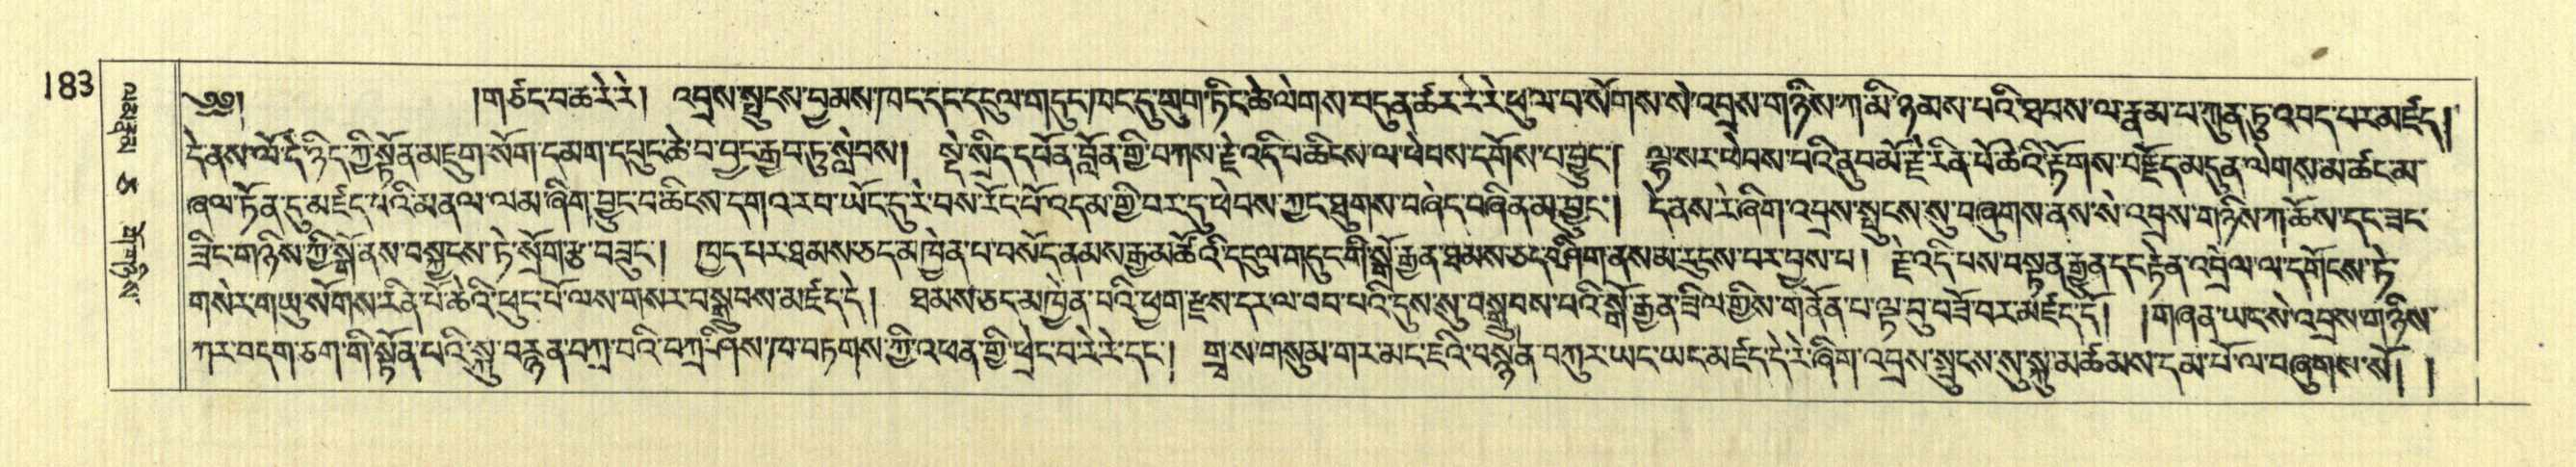༄༅། །གཙང་བ་ཆ་རེ་རེ། འབྲས་སྤུངས་བྱམས་ཁང་དང་དངུལ་གདུང་ཁང་དུ་གུག་ཏིང་ཆེ་ལེགས་བདུན་ཚར་རེ་རེ་ཕུལ་བ་སོགས་སེ་འབྲས་གཉིས་ཀ་མི་ཉམས་པའི་ཐབས་ལ་རྣམ་པ་ཀུན་ཏུ་འབད་པར་མཛད།
དེ་ནས་ལོ་དེ་ཉིད་ཀྱི་སྟོན་མཇུག་སོག་དམག་དཔུང་ཆེ་བ་བྱང་རྒྱབ་ཏུ་སླེབས། སྡེ་སྲིད་དཔོན་བློན་གྱི་བཀས་རྗེ་འདི་པ་ཆིངས་ལ་ཕེབས་དགོས་པ་བྱུང་། ལྷ་སར་ཕེབས་པའི་ནུབ་མོ་རྗེ་རིན་པོ་ཆེའི་རྟོགས་བརྗོད་མདུན་ལེགས་མ་ཚང་མ་
ཞལ་ཏོན་དུ་མཛད་པའི་མནལ་ལམ་ཞིག་བྱུང་བ་ཆིངས་དགའ་རབ་ཡོང་དུ་རེ་བས་རོང་པོ་འདམ་གྱི་བར་དུ་ཕེབས་ཀྱང་ཐུགས་བཞེད་བཞིན་མ་བྱུང་། དེ་ནས་རེ་ཞིག་འབྲས་སྤུངས་སུ་བཞུགས་ནས་སེར་འབྲས་གཉིས་ཀ་ཆོས་དང་ཟང་
ཟིང་གཉིས་ཀྱི་སྒོ་ནས་བསྐྱངས་ཏེ་སྲོག་རྩ་བཟུང་། ཁྱད་པར་ཐམས་ཅད་མཁྱེན་པ་བསོད་ནམས་རྒྱ་མཚོའི་དངུལ་གདུང་གི་སྒྲོ་རྒྱན་ཐམས་ཅད་བཤིག་ནས་མ་རུངས་པར་བྱས་པ། རྗེ་འདི་པས་བསྟན་རྒྱུན་དང་རྟེན་འབྲེལ་ལ་དགོངས་ཏེ་
གསེར་གཡུ་སོགས་རིན་པོ་ཆེའི་ཕུང་པོ་ལས་གསར་བསྒྲུབས་མཛད་དེ། ཐམས་ཅད་མཁྱེན་པའི་ཕྱག་རྫས་དར་ལ་བབ་པའི་དུས་སུ་བསྒྲུབས་པའི་སྒོ་རྒྱན་ཟིལ་གྱིས་ངོན་པ་ལྟ་བུ་བཟོ་བར་མཛད་དོ། །གཞན་ཡང་སེ་འབྲས་གཉིས་
ཀར་བདག་ཅག་གི་སྟོན་པའི་སྐུ་བརྙན་བཀྲ་བའི་བཀྲ་ཤིས་ཁ་བཏགས་ཀྱི་འཕན་གྱི་ཕྲེང་བ་རེ་རེ་དང་། གྲྭ་ས་གསུམ་གར་མང་ཇའི་བསྙེན་བཀུར་ཡང་ཡང་མཛད་དེ་རེ་ཞིག་འབྲས་སྤུངས་སུ་སྐུ་མཚམས་དམ་པོ་ལ་བཞུགས་སོ། །